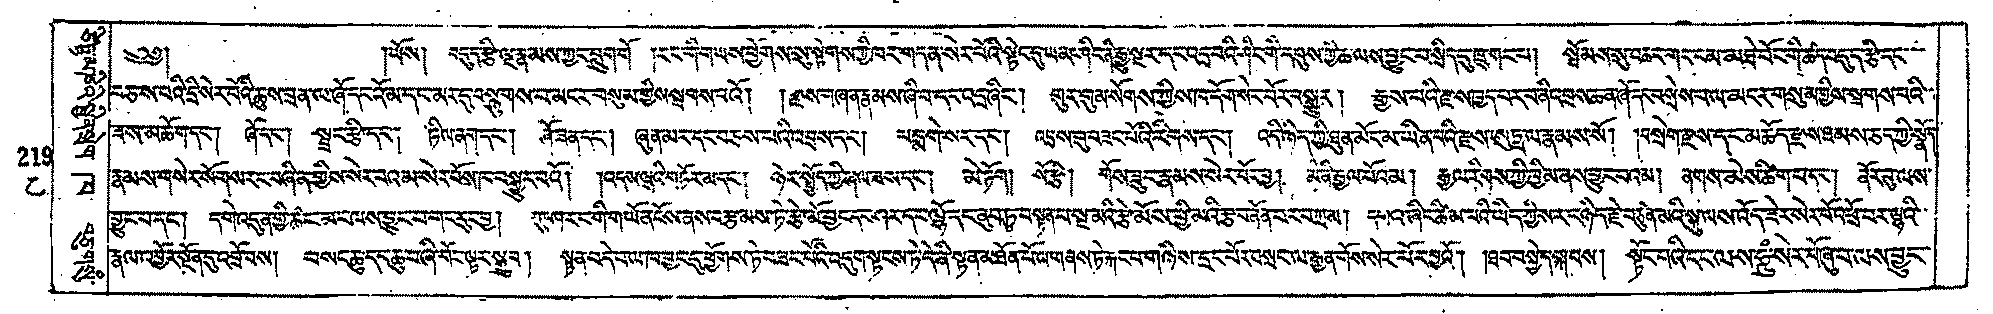༄༅། །ཡོས། བདུད་རྩི་ལྔ་རྣམས་ཀྱང་བླུག་གོ །རང་གི་གཡས་ཕྱོགས་སུ་སྟེགས་ཀྱི་ཁར་གདན་སེར་པོའི་སྟེང་དུ་ཡམ་ཤིང་ནི་རྒྱུ་སྔར་དང་འདྲ་བའི་ཤིང་གི་དབུས་ཀྱི་ཆ་ལས་བྱུང་བ་སྲིད་དུ་ཁྲུ་གང་པ། སྦོམས་སུ་འཆང་གང་ངམ་མཐེ་བོང་གི་ཚད་བདུད་རྩི་དང་་་
བཅས་པའི་དྲི་སེར་པོའི་ཆུས་བྲན་ལ་ཞོ་དང་འོ་མ་དང་མར་དུ་བསྙུགས་པ་མངར་གསུམ་གྱིས་སྦགས་པའོ། །རྫས་གཞན་རྣམས་ཞི་བ་དང་འདྲ་ཞིང་། གུར་གུམ་སོགས་ཀྱིས་ཁ་དོག་སེར་པོར་བསྒྱུར། རྒྱས་པའི་རྫས་ཁྱད་པར་བ་ནི་འབྲས་ཆན་ཞོ་དང་བསྲེས་པ་ལ་མངར་གསུམ་གྱིས་སྦགས་པའི་་་
ཟས་མཆོག་དང་། ཞོ་དང་། སྦྲང་རྩི་དང་། ཏིལ་ནག་དང་། ཞོ་ཟན་དང་། ཞུན་མར་དང་བཅས་པའི་འབྲས་དང་། པདམ་གེ་སར་དང་། འབྲས་བུ་བཟང་པོའི་རིགས་དང་། འདི་ཉིད་ཀྱི་ཐུན་མོང་མ་ཡིན་པའི་རྫས་ཨུཏྤ་ལ་རྣམས་སོ། །བསྲེག་རྫས་དང་མཆོད་རྫས་ཐམས་ཅད་ཀྱི་སྣོད་
རྣམས་གསེར་སོགས་རང་བཞིན་གྱིས་སེར་བའམ་སེར་པོས་ཁ་བསྒྱུར་བའོ། །འདས་ལྷའི་གཏོར་མ་དང་། ཉེར་སྤྱོད་ཀྱི་ཞལ་ཟས་དང་། མེ་ཏོག། སོ་རྩི། གོས་ཟུང་རྣམས་སེར་པོར་བྱ། མི་ནི་རྒྱལ་པོའམ། རྒྱལ་རིགས་ཀྱི་ཁྱིམ་ནས་བྱུང་བའམ། ནགས་མེས་ཚིག་པ་དང་། ནོར་བུ་ལས་
བྱུང་བ་དང་། དགེ་འདུན་གྱི་ཚང་མང་ལས་བྱུང་བ་གང་རུང་བྱ། ཀུ་ཤ་རང་གི་གཡོན་ངོས་ནས་བརྩམས་ཏེ་རྩེ་མོ་བྱང་དང་ཤར་དང་ལྷོ་དང་ནུབ་ཏུ་བསྟན་པ་སྔ་མའི་རྩེ་མོས་ཕྱི་མའི་རྩ་བ་ནོན་པར་བཀྲམ། དགའ་ཞིང་ཚིམ་པའི་ཡིད་ཀྱིས་རང་ཉིད་རྗེ་བཙུན་མའི་སྐུ་ལས་འོད་ཟེར་སེར་པོ་འཕྲོ་བར་ལྷའི་་་
རྣལ་འབྱོར་སྔོན་དུ་འགྲོ་བས། བསང་ཆུ་དང་ཆུ་བཞི་གོང་ལྟར་སྒྲུབ། སྟན་བདེ་བ་ལ་ཁ་བྱང་དུ་ཕྱོགས་ཏེ་བཟང་པོའི་འདུག་སྟངས་ཏེ་དེ་ནི་སྟན་མཐོན་པོ་ལ་གནས་ཏེ་རྐང་པ་གཉིས་དྲང་པོར་བསྲང་ལ་རྒྱན་གོས་སེར་པོར་བྱའོ། །ཐབ་བསྐྱེད་སྐབས། སྟོང་པའི་ངང་ལས་ཧཱུཾ་སེར་པོ་ཞུ་བ་ལས་བྱུང་་་